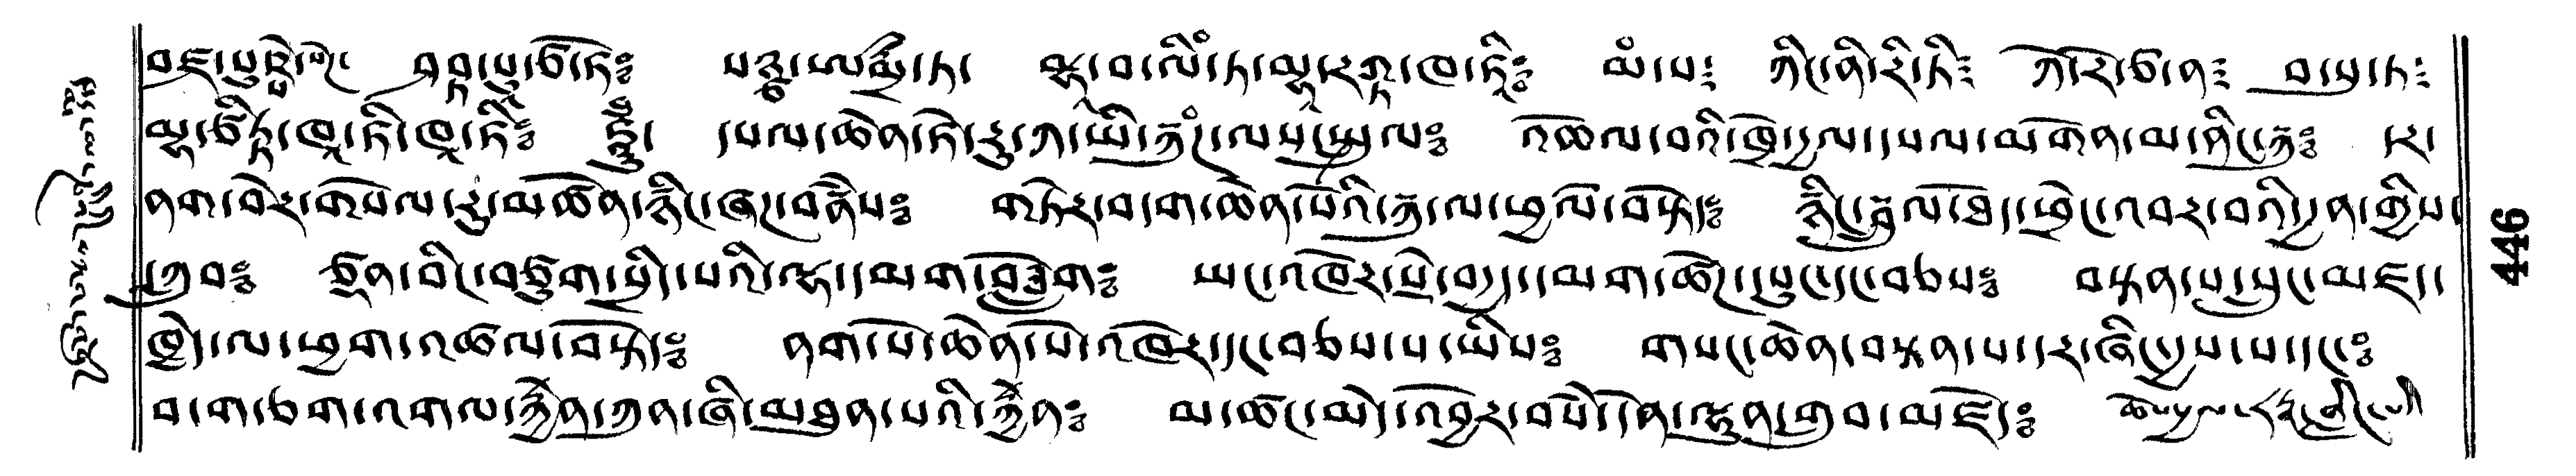བཛྲ་པུཥྤེ་སོགས། ཤབྟ་པཱུ་ཙ་ཧོ༔ པཉྩ་ཨམྲྀ་ཏ་མ་ཧཱ་བྷ་ལིཾ་ཏ་མ་ཧཱ་རཀྟ་ཁ་ཧཱི༔ མཾ་ས་ཀིང་ནི་རི་ཏི་ གོ་རོ་ཙ་ན་ བ་སུ་ཏ་
ཙིཏྟ་ཁཱ་ཧི་ཁཱ་ཧི༔ ཧཱུྃ༔ དཔལ་ཆེན་ཧེ་རུ་ཀ་ཡི་སྐུ་གསུང་ཐུུགས་ལས་སྤྲུལ༔ འཆོལ་བའི་ཁྲོ་རྒྱལ་དཔལ་མགོན་མ་ནིང་སྐུ༔ དར་
ནག་བེར་གསོལ་རུ་མཚོན་སྙིང་ཞགས་བསྣམས༔ གཏེར་བདག་ཆེན་པོའི་སྐུ་ལ་ཕྱག་འཚལ་བསྟོད༔ སྙིང་སྦྲུལ་ཐོད་ཕྲེང་འབར་བའི་རྒྱན་གྱིས་
བཀླུབས༔ ཙནྡན་བིང་བཙུགས་སྲིད་པའི་ལྷ་དམག་བཟློག༔ ཡང་འཁོར་སྡེ་བརྒྱད་དམག་ཚོགས་དཔུང་དང་བཅས༔ བསྟན་པ་སྲུང་མཛད་
ཁྱེད་ལ་ཕྱག་འཚལ་བསྟོད༔ ནག་པོ་ཆེན་པོ་འཁོར་དང་བཅས་པ་ཡིས༔ གསང་ཆེན་བསྟན་པ་དར་ཞིང་རྒྱས་པ་དང༔ 
བདག་ཅག་འགལ་རྐྱེན་ཀུན་ཞི་མཐུན་པའི་རྐྱེན༔ མ་ཚང་མེད་འབྱོར་བསམ་དོན་ལྷུན་གྲུབ་མཛོད༔ ཆོས་རྒྱལ་རཏྣ་གླིང་པའི་